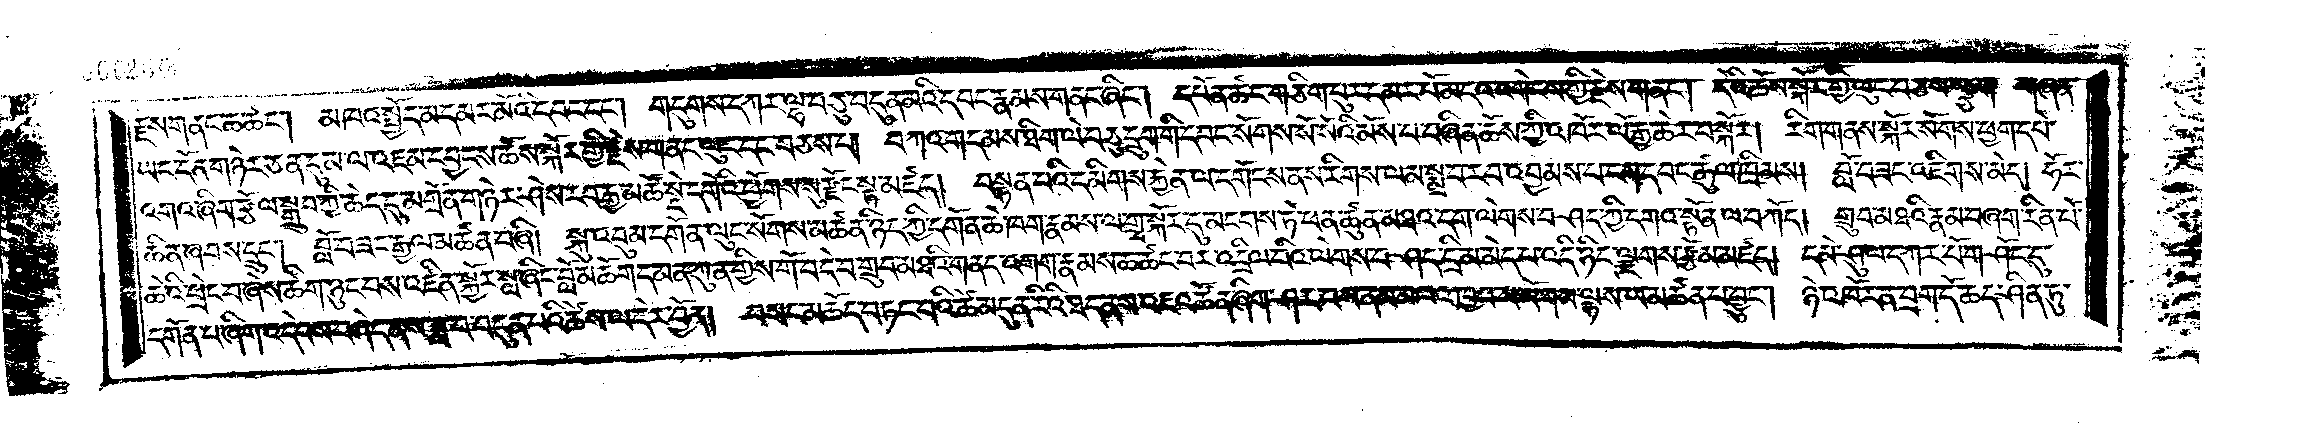རྗེས་གནང་ཆ་ཚང་། མཁའ་སྤྱོད་མ་དམར་མོའི་དབང་དང་། གདུགས་དཀར་ལྷ་བཅུ་བདུན་མའི་དབང་རྣམས་གནང་ཞིང་། དཔེན་ཚང་གཅིག་པུར་དམར་པོ་མདའ་འགེངས་ཀྱི་རྗེས་གནང་། དེའི་ཆོས་སྐོར་གྱི་ལུང་བཅས་སྩལ། གཞན་
ཡང་དོན་གཉེར་ཅན་དུ་མ་ལ་འཇམ་དབྱངས་ཆོས་སྐོར་གྱི་རྗེས་གནང་ལུང་དང་བཅས་པ། བཀའ་གདམས་ཐིག་ལེ་བཅུ་དྲུག་གི་དབང་སོགས་སོ་སོའི་མོས་པ་བཞིན་ཆོས་ཀྱི་འཁོར་ལོ་རྒྱ་ཆེར་བསྐོར། རིག་གནས་སྐོར་སོགས་ཕྱག་དཔེ་
འགའ་ཞིག་རྩོལ་སྒྲུབ་ཀྱི་ཆེད་དུ་མགྲོན་གཉེར་ཤེས་རབ་རྒྱ་མཚོ་སྡེ་དགེའི་ཕྱོགས་སུ་རྫོང་སྟ་མཛད། བསྟན་པའི་དམིགས་རྐྱེན་ལ་དགོངས་ནས་རིགས་ལམ་སྨྲ་བ་རབ་འབྱམས་པ་ངག་དབང་ཚུལ་ཁྲིམས། བློ་བཟང་འཇིགས་མེད། ཧོར་
ཆིན་ཞབས་དྲུང་། བློ་བཟང་རྒྱལ་མཚན་བཞི། སྐུ་འབུམ་དགོན་ལུང་སོགས་མཚན་ཉིད་ཀྱི་དགོན་ཆེ་ཁག་རྣམས་ལ་གྲྭ་སྐོར་དུ་མངགས་ཏེ་ཕན་ཚུན་མཐའ་དག་ལེགས་བཤད་ཀྱི་དགའ་སྟོན་ལ་བཀོད། གྲུབ་མཐའི་རྣམ་བཞག་རིན་པོ་
ཆེའི་ཕྲེང་བ་ཞེས་ཚིག་ཉུང་བས་འཛིན་སྐྱོར་སླ་ཞིང་བློ་མཆོག་དམན་ཀུན་གྱིས་གོ་བདེ་བ་གྲུབ་མཐའི་གནད་འགག་རྣམས་ཆ་ཚང་བར་འདྲིལ་བའི་ལེགས་བཤད་དྲི་མ་མེད་པ་འདི་ཉིད་ལྗགས་རྩོམ་མཛད། ད་མེ་ཤུལ་དཀར་པོ་གཤོང་དུ་
དགོན་པ་ཞིག་འདེབས་བཞེད་ནས་ཟླ་བ་བདུན་པའི་ཚེས་ལ་དེར་བྱོན། བསང་མཆོད་བཏང་བའི་ཚེ་མདུན་རིའི་ཐད་ནས་འཇའ་ཚོན་ཞིག་ཤར་བས་ནམ་མཁའ་ཁྱབ་པ་སོགས་ལྟས་ཡ་མཚན་པ་བྱུང་། ཉེ་འཁོར་ན་བྲག་དོ་ཆད་ཤིན་ཏུ་